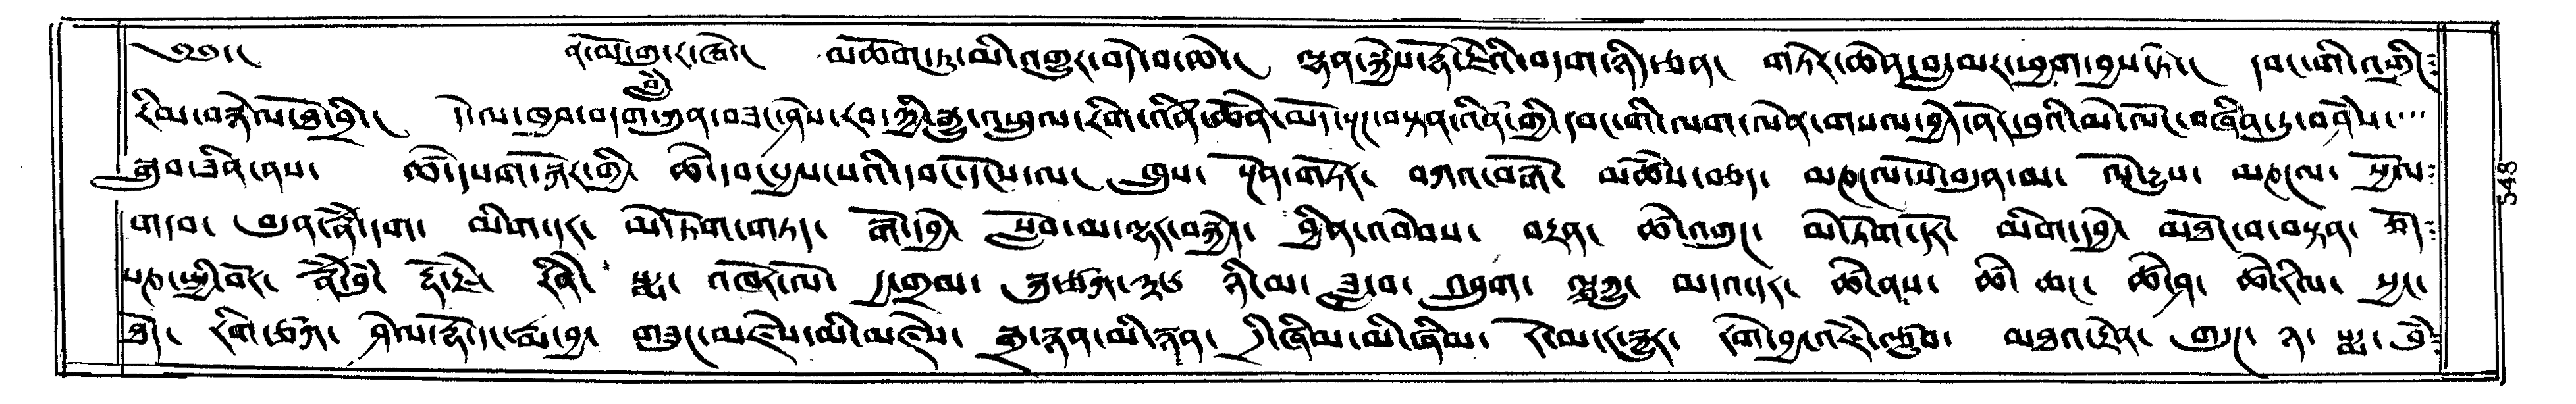ན་མོ་གུ་ར་ཝེ། མཆོག་ཏུ་མི་འགྱུར་བདེ་བ་ཆེ། །ལྷན་སྐྱེས་རྡོ་རྗེའི་བདག་ཉིད་ཅན། །གཏེར་ཆེན་བླ་མར་ཕྱག་བྱས་ཏེ། །དབང་གི་འགྲིགས་
རིམ་བསྙེལ་ཐོ་འབྲི། །དེ་ལ་ཁྱབ་བདག་ཀུན་བཟང་ཤེས་རབ་ཀྱི་སྒྱུ་འཕྲུལ་རིག་འཛིན་ཆེན་པོ་མདོ་སྔགས་བསྟན་འཛིན་གྱི་དབང་གི་ལག་ལེན་གསལ་བྱེད་ནོར་བུའི་མེ་ལོང་བཞིན་དུ་བཤམས་
སྒྲུབ་ཟིན་ནས། ཚེ་དཔག་སྐོར་གྱི་ཚེ་དབང་རྒྱས་པའི་དབང་དངོས་ལ། ཁྲུས། སྔོན་གཏོར། བཀའ་བསྒོ། མཚམས་བཅད། མཎྜལ་སོ་བདུན་མ། ལོ་རྒྱུས། གསོལ་
གདབ། བདུན་རྣམ་དག།(?) མིག་དར། མེ་ཏོག་གཏད། སྒོ་དབྱེ། སློབ་མ་ལྷར་བསྐྱེད། བྱིན་འབེབས། བརྟན། ཚེ་འགུགས། མེ་ཏོག་དོར། མིག་དབྱེ། མཐོང་བ་བསྟན། ཅོད་
པན་སྤྱི་བོར། རྣམ་བུམ། རྡོ་རྗེ། རིན་ཆེན། པདྨ། འཁོར་ལོ། རྒྱ་གྲམ། སྐུ་ཙཀ་༣༦ ཉི་མ་ཟླ་བ། འབྲུག ལྕགས་ཀྱུ། མདའ་དར། ཚེ་ནས། ཚེ་ཆང་། ཚེ་ཤ། ཚེ་རིལ། གསང་
ཐོད། རིག་ཙཀ ཤེལ་རྡོ་དང་རྨ་བྱ། གཟུགས་མཛེས་མི་མཛེས། སྒྲ་སྙན་མི་སྙན། དྲི་ཞིམ་མི་ཞིམ། རོ་མངར་སྐྱུར། རེག་བྱ་འཇམ་རྩུབ། མཐའ་རྟེན། གདུགས། ཉ། པདྨ། བུམ་